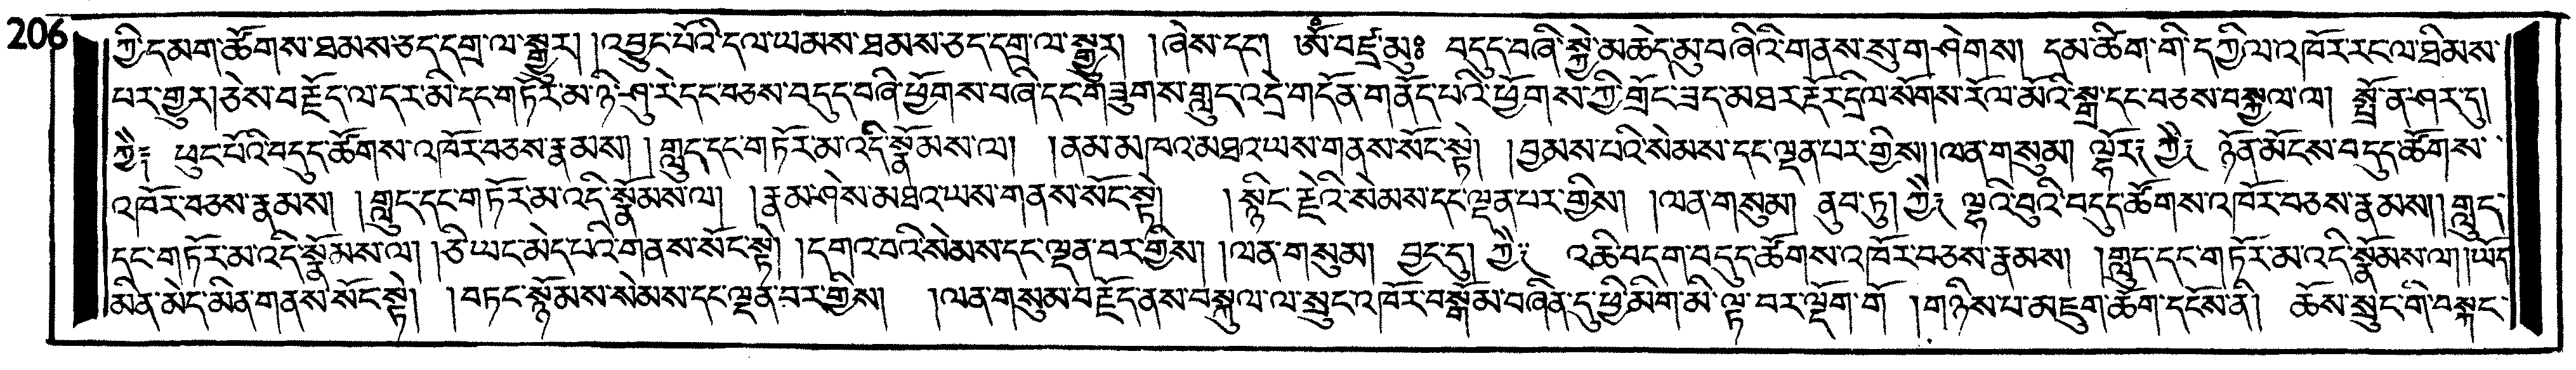ཀྱི་དམག་ཚོགས་ཐམས་ཅད་དགྲ་ལ་སྒྱུར། །འབྱུང་པོའི་དལ་ཡམས་ཐམས་ཅད་དགྲ་ལ་སྒྱུར། །ཞེས་དང་། ཨོཾ་བྫྲ་མུཿ བདུད་བཞི་སྐྱེ་མཆེད་མུ་བཞིའི་གནས་སུ་གཤེགས། དམ་ཚིག་གི་དཀྱིལ་འཁོར་རང་ལ་ཐིམས་
པར་གྱུར། ཅེས་བརྗོད་ལ་དར་མི་དང་གཏོར་མ་ཉི་ཤུ་རེ་དང་བཅས་བདུད་བཞི་ཕྱོགས་བཞི་དང་གཟུགས་གླུད་འདྲེ་གདོན་གནོད་པའི་ཕྱོགས་ཀྱི་གྲོང་ཟད་མཐར་རྡོར་དྲིལ་སོགས་རོལ་མོའི་སྒྲ་དང་བཅས་བསྐྱལ་ལ། སྤྲོ་ན་ཤར་དུ།
ཀྱཻ༑ ཕུང་པོའི་བདུད་ཚོགས་འཁོར་བཅས་རྣམས། །གླུད་དང་གཏོར་མ་འདི་སྣོམས་ལ། །ནམ་མཁའ་མཐའ་ཡས་གནས་སོང་སྟེ། །བྱམས་པའི་སེམས་དང་ལྡན་པར་གྱིས། །ལན་གསུམ། ལྷོར༑ ཀྱཻ༑ ཉོན་མོངས་བདུད་ཚོགས་
འཁོར་བཅས་རྣམས། །གླུད་དང་གཏོར་མ་འདི་སྣོམས་ལ། །རྣམ་ཤེས་མཐའ་ཡས་གནས་སོང་སྟེ། །སྙིང་རྗེའི་སེམས་དང་ལྡན་པར་གྱིས། །ལན་གསུམ། ནུབ་ཏུ། ཀྱཻ༑ ལྷའི་བུའི་བདུད་ཚོགས་འཁོར་བཅས་རྣམས། །གླུད་
དང་གཏོར་མ་འདི་སྣོམས་ལ། །ཅི་ཡང་མེད་པའི་གནས་སོང་སྟེ། །དགའ་བའི་སེམས་དང་ལྡན་བར་གྱིས། །ལན་གསུམ། བྱང་དུ། ཀྱཻ༑ འཆི་བདག་བདུད་ཚོགས་འཁོར་བཅས་རྣམས། །གླུད་དང་གཏོར་མ་འདི་སྣོམས་ལ། །ཡོད་
མིན་མེད་མིན་གནས་སོང་སྟེ། །བཏང་སྙོམས་སེམས་དང་ལྡན་བར་གྱིས། །ལན་གསུམ་བརྗོད་ནས་བསྐུལ་ལ་སྲུང་འཁོར་བསྒོམ་བཞིན་དུ་ཕྱི་མིག་མི་ལྟ་བར་ལྡོག་གོ །གཉིས་པ་མཇུག་ཆོག་དངོས་ནི། ཆོས་སྲུང་གི་བསྐང་